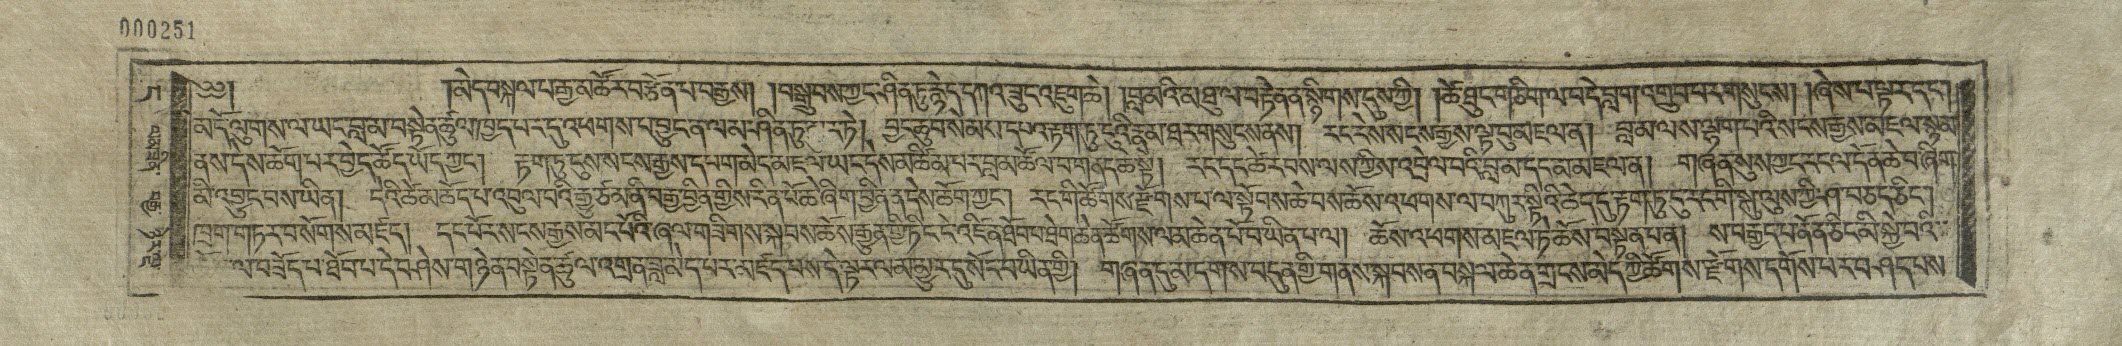༄༅། །མེད་བསྐལ་པ་རྒྱ་མཚོར་བརྩོན་པ་བརྒྱས། །བསྒྲུབས་ཀྱང་ཤིན་ཏུ་རྙེད་དཀའ་ཟུང་འཇུག་ཆེ། །བླ་མའི་མཐུ་ལ་བརྟེན་ན་སྙིགས་དུས་ཀྱི། །ཚེ་ཐུང་གཅིག་ལ་བདེ་བླག་འགྲུབ་པར་གསུངས། །ཞེས་པ་ལྟར་དང་།
མདོ་ལུགས་ལ་ཡང་བླ་མ་བསྟེན་ཚུལ་ཁྱད་པར་དུ་འཕགས་པ་བྱུང་ན་ལམ་ཤིན་ཏུ་མྱུར་ཏེ། བྱང་ཆུབ་སེམས་དཔའ་རྟག་ཏུ་ངུའི་རྣམ་ཐར་གསུངས་ནས། རང་རེས་སངས་རྒྱས་ལྟ་བུ་མཇལ་ན། བླ་མ་ལས་ལྷག་པའི་སངས་རྒྱས་མཇལ་སྙམ་
ནས་དེས་ཆོག་པར་བྱེད་ཚོད་ཡོད་ཀྱང་། རྟག་ཏུ་དུས་སངས་རྒྱས་དཔག་མེད་མཇལ་ཡང་དེས་མ་ཚིམ་པར་བླ་མ་ཚོལ་བ་གནད་ཆེ་སྟེ། རང་དང་ཚེ་རབས་ལས་ཀྱིས་འབྲེལ་བའི་བླ་མ་དང་མ་མཇལ་ན། གཞན་སུས་ཀྱང་རང་ལ་དོན་ཆེ་བ་ཞིག་
མི་འབྱུང་བས་ཡིན། དེའི་ཚེ་མཆོད་པ་འབུལ་བའི་རྒྱུ་ཙམ་ནི་བརྒྱ་བྱིན་གྱིས་རིན་པོ་ཆེ་ཞིག་བྱིན་ན་དེས་ཆོག་ཀྱང་། རང་གི་ཚོགས་རྫོགས་པ་ལ་སྟོབས་ཆེ་བས་ཆོས་འཕགས་ལ་བཀུར་སྟིའི་ཆེད་དུ་རྟག་ཏུ་ངུ་རང་གི་སྐུ་ལུས་ཀྱི་ཤ་བཅད་ཅིང་།
ཁྲག་གཏར་བ་སོགས་མཛད། དང་པོར་སངས་རྒྱས་མང་པོའི་ཞལ་གཟིགས་སྐབས་ཆོས་རྒྱུན་གྱི་ཏིང་ངེ་འཛིན་ཐོབ་པ་ཐེག་ཆེན་ཚོགས་ལམ་ཆེན་པོ་བ་ཡིན་པ་ལ། ཆོས་འཕགས་མཇལ་ཏེ་ཆོས་བསྟན་པ་ན། ས་བརྒྱད་པ་ནོན་ཅིང་མི་སྐྱེ་བའི་
ཆོས་ལ་བཟོད་པ་ཐོབ་པ་དེ་བཤེས་གཉེན་བསྟེན་ཚུལ་འགྲན་ཟླ་མེད་པར་མཛད་པས་དེ་ལྟར་ལམ་མྱུར་དུ་སོང་བ་ཡིན་གྱི། གཞན་དུ་མ་དག་ས་བདུན་གྱི་གནས་སྐབས་ན་བསྐལ་ཆེན་གྲངས་མེད་ཀྱི་ཚོགས་རྫོགས་དགོས་པར་བཤད་པས་